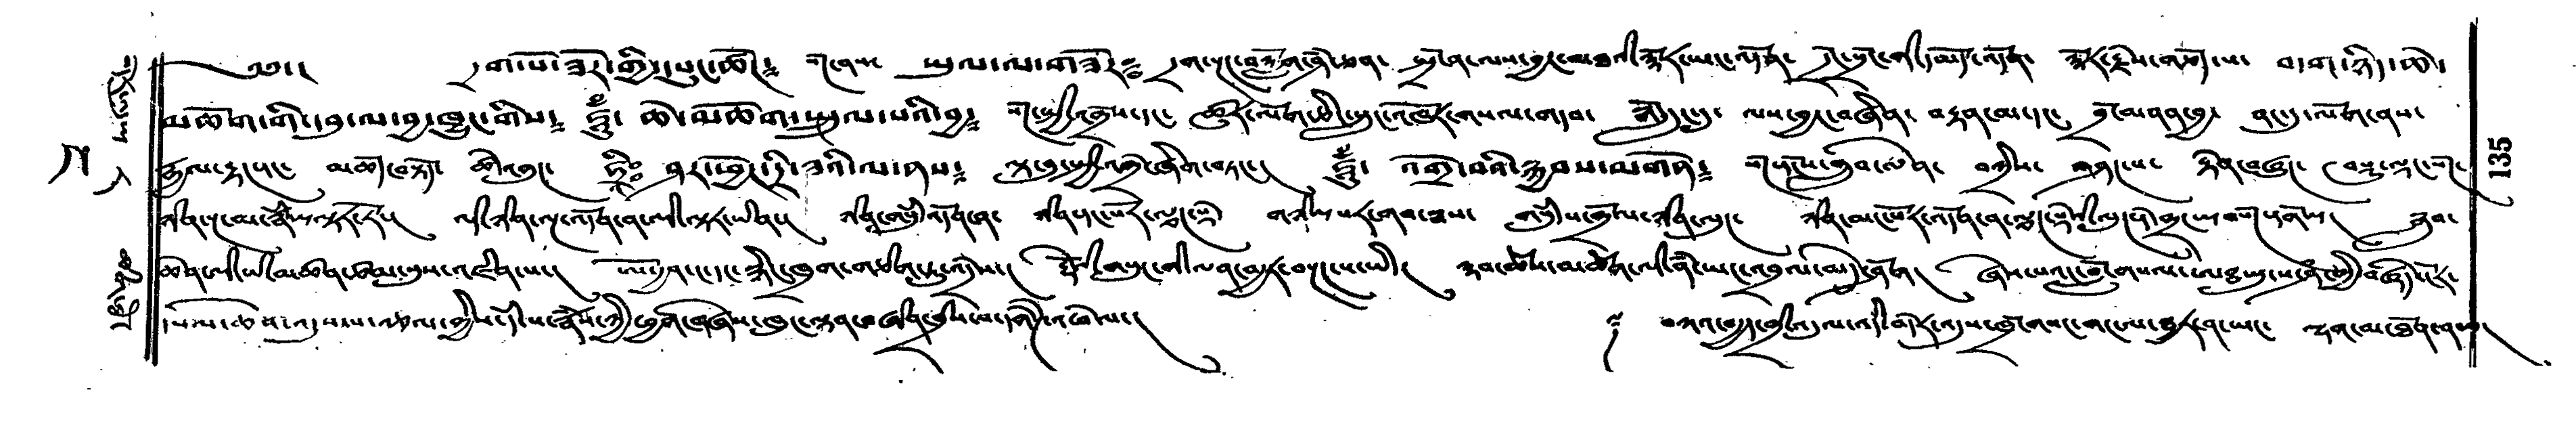དྲག་པོ་ཟོར་གྱི་དཔུང་ཚོགས༴ སོགས་ནས། ཡུལ་ལ་ཟོར༔ དྲག་སྔགས་ཟློག་གཤམ་ཅན། སྤྲོ་ན་ལས་བྱང་མཐའི་ཟོར་ཡང་འདོན། དྲང་སྲོང་གི་དམོད་འདོན། ཟོར་རྗེས་གཅོད་པ། བདག་ཉིད་ཆེ་
མཆོག་གི་དབུ་ལ་བྱ་ཁྱུང་གིས༴ ཧཱུྃ༔ ཆེ་མཆོག་སྤྲུལ་པའི་བྱ༴ སོགས་སྤྱི་འགྲོས་དང་། ཚུར་ལོག་ཅིང་སྲུང་འཁོར་གསལ་གདབ། སྒོ་དྲུང་དུ། ལས་བྱང་བཞིན་བརྟན་མ་དང་། བྲོ་མནན་བྱ། ནང་དུ་ལོག་ནས་
རྒྱལ་རྟགས་དང་། མཆོད་བསྟོད། ཚེ་འགུགས། ཧྲཱིཿ ཤར་ཕྱོགས་དྲི་ཟའི་ལག་ནས༴ ལྟ་བུ་སྤྱི་འགྲོ་ཞིག་བཏང་། ཧཱུྃ༔ འགྲོ་བའི་སྐྱབས་མགོན༴ སོགས་དངོས་གྲུབ་ལེན། བཀྲ་ཤིས། བཤགས་པ། བརྟན་བཞུགས། བསྡུ་ལྡང་སོགས་
ཉིན་སྔ་མ་རྣམས་ལྟར་རོ། འདི་ཉིན་ལྔ་འདོན་འདི་ལྟར་ཡིན། ཉིན་གསུམ་འདོན་ན། ཉིན་དང་པོར་ལྕགས་སྡེ། གཉིས་པར་གབ་སྦས། གསུམ་པ་གྲོལ་ཉིན་ལུགས། ཉིན་མང་པོར་འདོན་ན་ལྕགས་སྡེའི་ལུགས་དེ་གྲངས་གསོག་དགོས་སོ། སྒྲུབ་
ཆེན་འདི་ཡི་མཚན་ཙམ་སུས་འཛིན་པ། །ཨོ་རྒྱན་ང་དང་སྙིང་ཁྲག་གཅིག་ཏུ་འདྲེས། །རྡོ་རྗེའི་གསུང་གི་ལན་བརྒྱར་བསྔགས་པ་ཡི། །ཟབ་ཆོས་མཆོག་འདི་ནམ་ཡང་འབྲལ་མེད་ཤོག ཞེས་པའང་བློ་གསལ་ཨ་ཡུ་པ་ཤཾ་བཞེད་ངོར་
དཔལ་ཆེན་འདུས་པ་རྩལ་གྱིས་དམ་པ་རྣམས་ཀྱི་ཕྱག་བཞེས་ཁུངས་ལྡན་བཞིན་བྲིས་པ་དགེ་ལེགས་འཕེལ།། དགེའོ།། ༈ བཀའ་བརྒྱད་གྲི་འདུལ་འདི་བདེ་འདུས་ཁྲོ་གསང་གང་ལ་སྦྱར་ན་ཡང་། ལྷག་མ་ཚན་ནས།